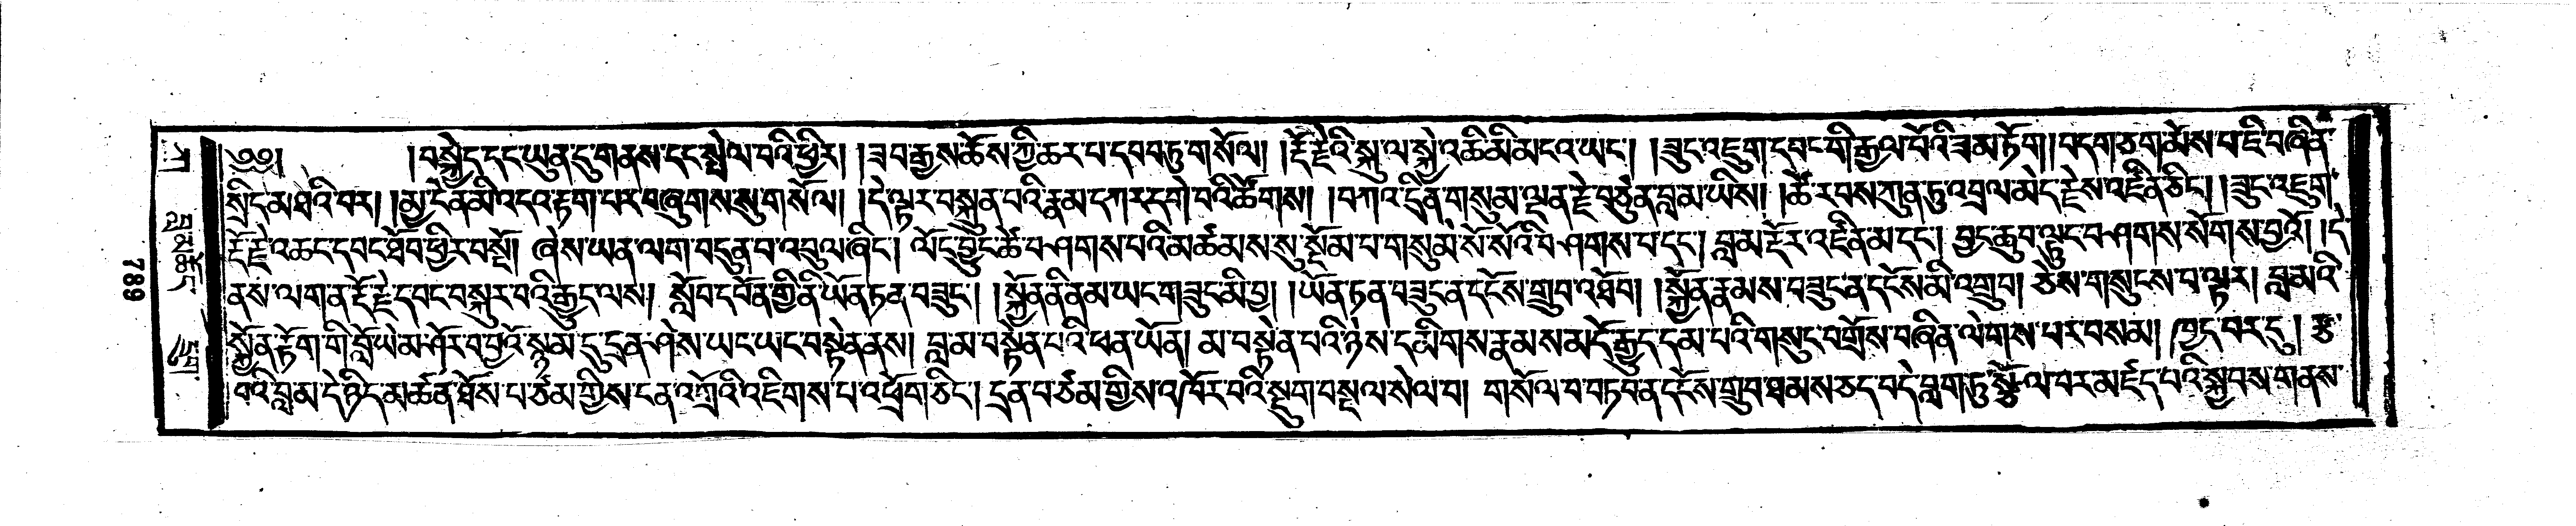༄༅། །བསྐྱེད་དང་ཡུན་དུ་གནས་དང་སྤེལ་བའི་ཕྱིར། །ཟབ་རྒྱས་ཆོས་ཀྱི་ཆར་པ་དབབ་ཏུ་གསོལ། །རྡོ་རྗེའི་སྐུ་ལ་སྐྱེ་འཆི་མི་མངའ་ཡང་། །ཟུང་འཇུག་དབང་གི་རྒྱལ་པོའི་ཟ་མ་ཏོག །བདག་ཅག་མོས་པ་ཇི་བཞིན་
སྲིད་མཐའི་བར། །མྱ་ངན་མི་འདའ་རྟག་པར་བཞུགས་སུ་གསོལ། །དེ་ལྟར་བསྐྲུན་པའི་རྣམ་དཀར་དགེ་བའི་ཚོགས། །བཀའ་དྲིན་གསུམ་ལྡན་རྗེ་བཙུན་བླ་མ་ཡིས། །ཚེ་རབས་ཀུན་ཏུ་འབྲལ་མེད་རྗེས་འཛིན་ཅིང་། །ཟུང་འཇུག་
རྡོ་རྗེ་འཆང་དབང་ཐོབ་ཕྱིར་བསྔོ། ཞེས་ཡན་ལག་བདུན་པ་འབུལ་ཞིང་། ལོང་བྱུང་ཚེ་བཤགས་པའི་མཚམས་སུ་སྡོམ་པ་གསུམ་སོ་སོའི་བཤགས་པ་དང་། བླ་མ་རྡོར་འཛིན་མ་དང་། བྱང་ཆུབ་ལྟུང་བཤགས་སོགས་བྱའོ། །དེ་
ནས་ལག་ན་རྡོ་རྗེ་དབང་བསྐུར་བའི་རྒྱུད་ལས། སློབ་དཔོན་གྱི་ནི་ཡོན་ཏན་བཟུང་། །སྐྱོན་ནི་ནམ་ཡང་གཟུང་མི་བྱ། །ཡོན་ཏན་བཟུང་ན་དངོས་གྲུབ་འཐོབ། །སྐྱོན་རྣམས་བཟུང་ན་དངོས་མི་འགྲུབ། ཅེས་གསུངས་པ་ལྟར། བླ་མའི་
སྐྱོན་རྟོག་གི་བློ་ཡི་མ་ཤོར་བ་བྱའོ་སྙམ་དུ་དྲན་ཤེས་ཡང་ཡང་བསྟེན་ནས། བླ་མ་བསྟེན་པའི་ཕན་ཡོན། མ་བསྟེན་པའི་ཉེས་དམིགས་རྣམས་མདོ་རྒྱུད་དམ་པའི་གསུང་བགྲོས་བཞིན་ལེགས་པར་བསམ། ཁྱད་པར་དུ། རྩ་
བའི་བླ་མ་དེ་ཉིད་མཚན་ཐོས་པ་ཙམ་གྱིས་ངན་འགྲོའི་འཇིགས་པ་འཕྲོག་ཅིང་། དྲན་པ་ཙམ་གྱིས་འཁོར་བའི་སྡུག་བསྔལ་སེལ་བ། གསོལ་བ་བཏབ་ན་དངོས་གྲུབ་ཐམས་ཅད་བདེ་བླག་ཏུ་སྩོལ་བར་མཛད་པའི་སྐྱབས་གནས་